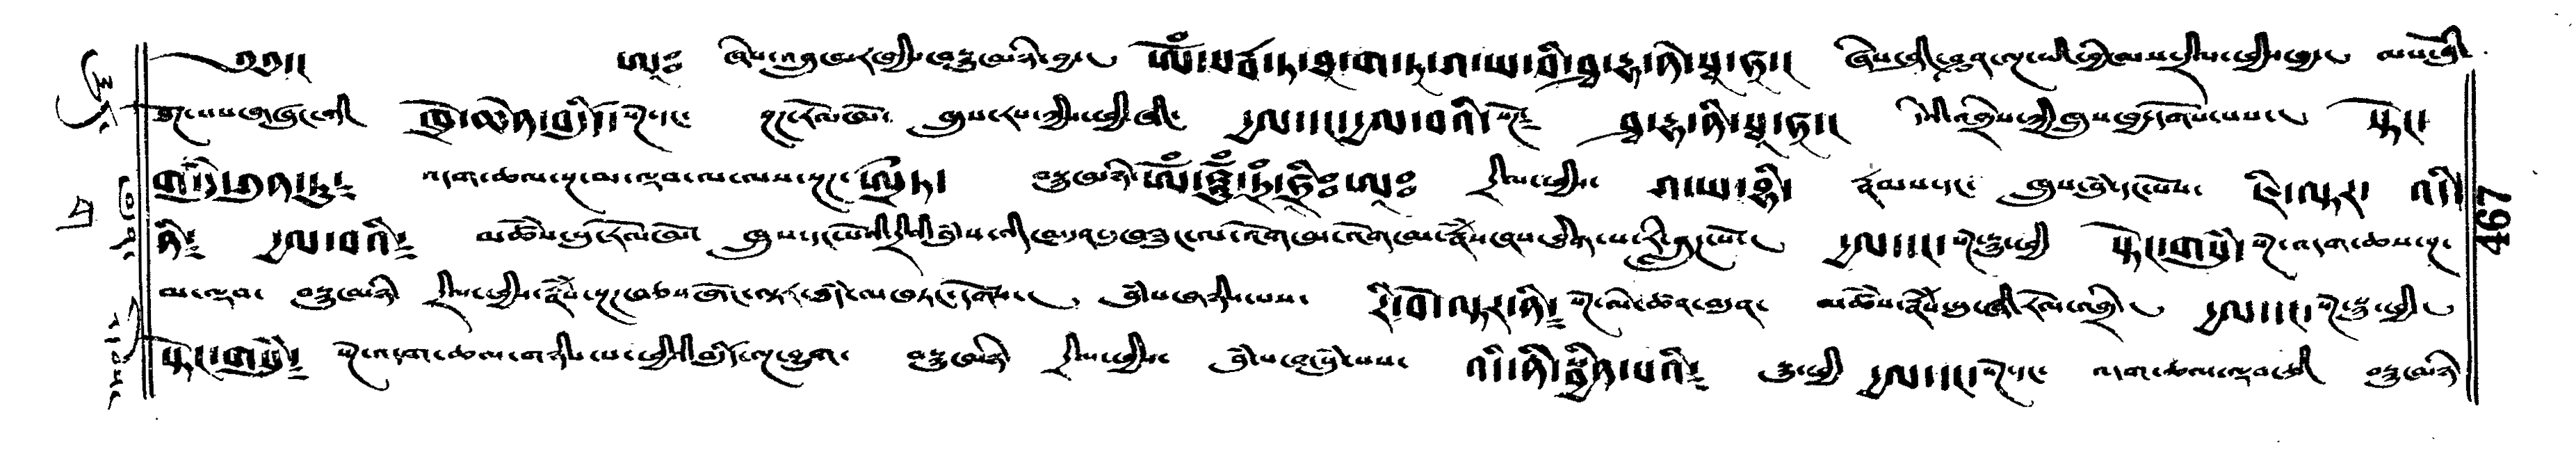ཨཱཿ ཞེས་འབྲུ་མར་གྱིས་བསྐུ་མཉེ་བྱ། ཨོཾ་སརྦ་ཏ་ཐཱ་ག་ཏཱ་ཀ་ཡ་བི་ཤྭ་དྷ་ནི་སྭ་ཧཱ། ཞེས་ཤིང་ཤུན་ལྔ་ཡི་ཕྱེ་མས་དྲིལ་ཕྱིས་བྱ། ལས་བུམ་
ཐོགས་པས་གཞུང་གི ཁྲོ་ཆེན་བདུད་རྩི༴ སོགས་དང་། སྔགས་རོལ་མོ།ཁྲུས་རས་ཀྱིས་ཕྱི་ཞིང་། རྒྱལ་དང་རྒྱལ་བའི༴ སོགས། ཤྭ་དྷ་ནི་སྭ་ཧཱ། དེའི་འགྲེས་ཀྱི་ཁྲུས་བྱ་དགོས་པས། སྟོང་
གསུམ་ཀུན་ཏུ༴ འདག་ཆལ་སྔ་མ་ལྡབ་ལ་ལས་སྔགས་ཨ་མྲྀཏ། བསྐུ་མཉེ། ཨོཾ་ཧཱུྃ་ཏྲཾ་ཧྲཱིཿཨཱཿ དྲིལ་ཕྱིས། ཀ་ཡ་བྷི༴ རྣམས་དང་། ཁྲུས་བུམ་དང་པོས། ཇི་ལྟར་༴ འདི་
ནི༴ རྒྱལ་བའི༴ མཚམས་སུ་རོལ་མོ། ཁྲུས་དང་པོའི་དྲིའི་བུམ་པ་འདི་མདུན་དུ་བཟུང་ལ་འོག་མ་རྣམས་ནས་ཐིག་པ་རེ་བླུགས་སོ། རྒྱལ་དང༴ སོགས་སྐུ་ཕྱི། སྟོང་གསུམ༴ སོགས་འདག་ཆས་སྔ་
མ་ལྡབ། བསྐུ་མཉེ། དྲིལ་ཕྱིས་རྣམས་སྔགས་བཅས་གོང་ལྟར་ཐམས་ཅད་ལ་བཏང་དགོས། བུམ་པ་གཉིས་པས། རི་བོ་ལྟར་ནི༴ སོགས་ལེ་ཚན་བདུན། མཚམས་རྣམས་སུ་ཞི་རོལ་འགྲེ། རྒྱལ་དང༴ སོགས་སྐུ་ཕྱི། 
སྟོང་གསུམ༴ སོགས་འདག་ཆལ་གཉིས་པ་ཕྱིའི་བདུད་རྩི་ལྔ་བྱུག བསྐུ་མཉེ། དྲིལ་ཕྱིས། བུམ་པ་གསུམ་པས། འདི་ནི་སྦྱིན་པའི༴ སྐུ་ཕྱི། རྒྱལ་དང༴ སོགས་དང་། འདག་ཆལ་ལྡབ་ཅིང་། བསྐུ་མཉེ་